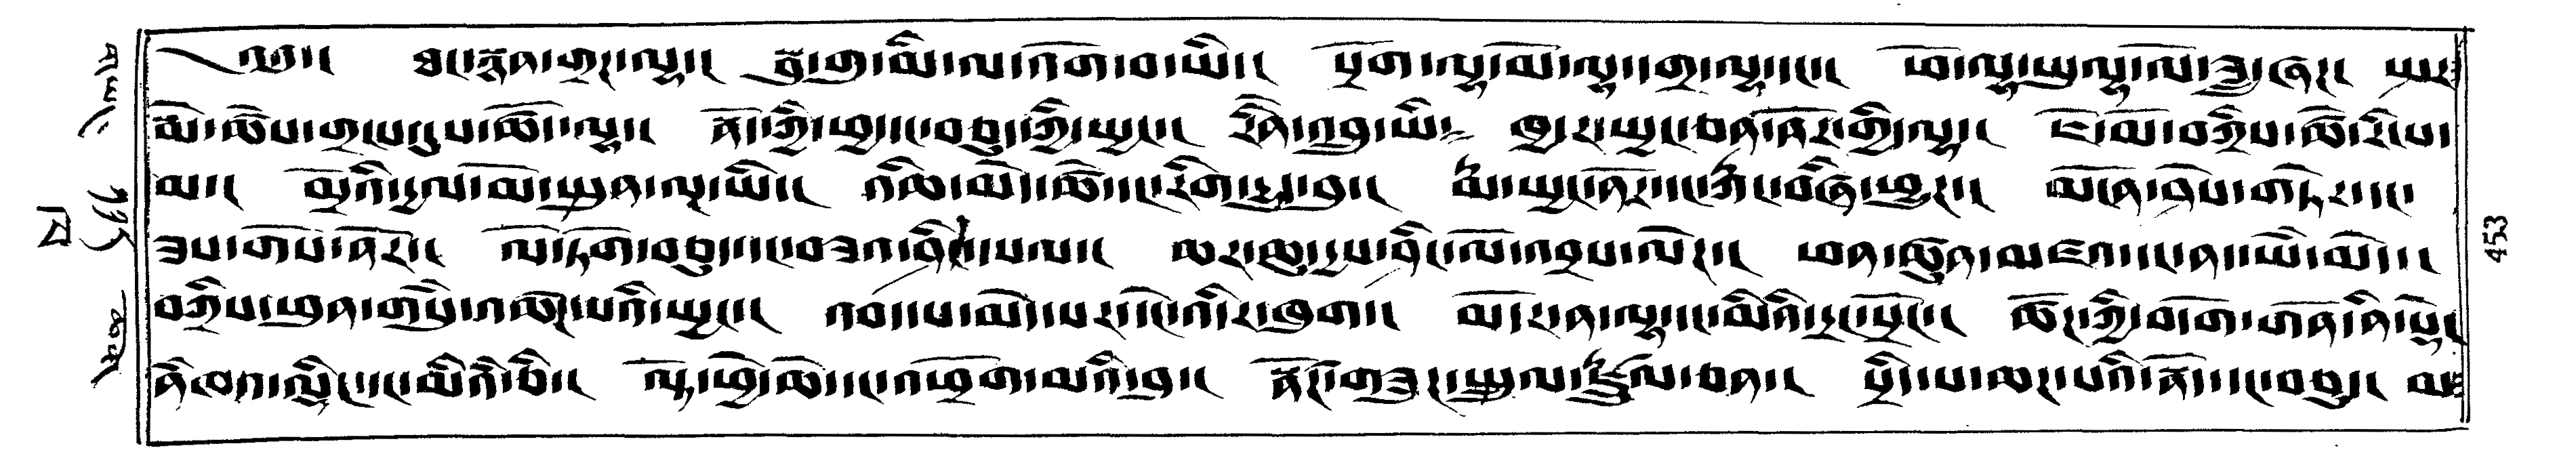ཐང་སྙན་གྲགས་ལྷ། །སྦུ་གུ་མི་ལ་འགོ་བ་ཡི། །སྲོག་ལྷ་མོ་ལྷ་དགྲ་ལྷ་དང་། །ཕོ་ལྷ་ཡུལ་ལྷ་ལོ་ཟླ་ཞགས། །སྤར་
སྨེ་ཚེས་གྲངས་དུས་ཚོད་ལྷ། །སྣོད་ཀྱི་ཕྱྭ་དང་བཅུད་ཀྱི་གཡང་། རིན་ཆེན་འབྲུ་ཡི༴ ཁྱད་པར་གཡང་ཅན་ནོར་གྱི་ལྷ། །ཇོ་མོ་བཀྲ་ཤིས་ཚེ་རིང་
མ། །མཁའ་འགྲོའི་རྒྱལ་མོ་སྤུན་ལྔ་ཡི། །འཆི་མེད་ཚེ་དང་རིགས་རྒྱུད་བུ། །རྨ་གཡང་ནོར་དང་རྐང་བཞི་ཕྱུགས། །མངོན་ཤེས་གཏེར་དང་
ཟས་གོས་ནོར། །ལོ་ཏོག་བཅུད་དང་བཟའ་ཤིང་དཔལ། །ཆར་ཆུ་རྒྱས་ཤིང་ལོ་འབྲས་ལེགས། །ཕན་ཚུན་མཛའ་དང་ནད་ཡམས་མེད། །
བཀྲ་ཤིས་ཕུན་སུམ་ཚོགས་པའི་གཡང་། །འབད་པ་མེད་པར་དེང་འདིར་ཁུག།མདོར་ན་ལྷ་དང་མིའི་དྲང་སྲོང་། །ཚོགས་ཀྱི་བདག་པོ་གནོད་སྦྱིན་སྡེ། །
ནམ་མཁའ་ལྡིང་དང་མིའམ་ཅི། །ལྟོ་ཕྱེ་ཆེ་དང་འཕྲོག་མའི་བུ། །སྣ་ཚོགས་གཟུགས་སྤྲུལ་རྫུ་འཕྲུལ་ཅན། །སྲིད་པ་ཆགས་པའི་སྣོད་དང་བཅུད། །མ་